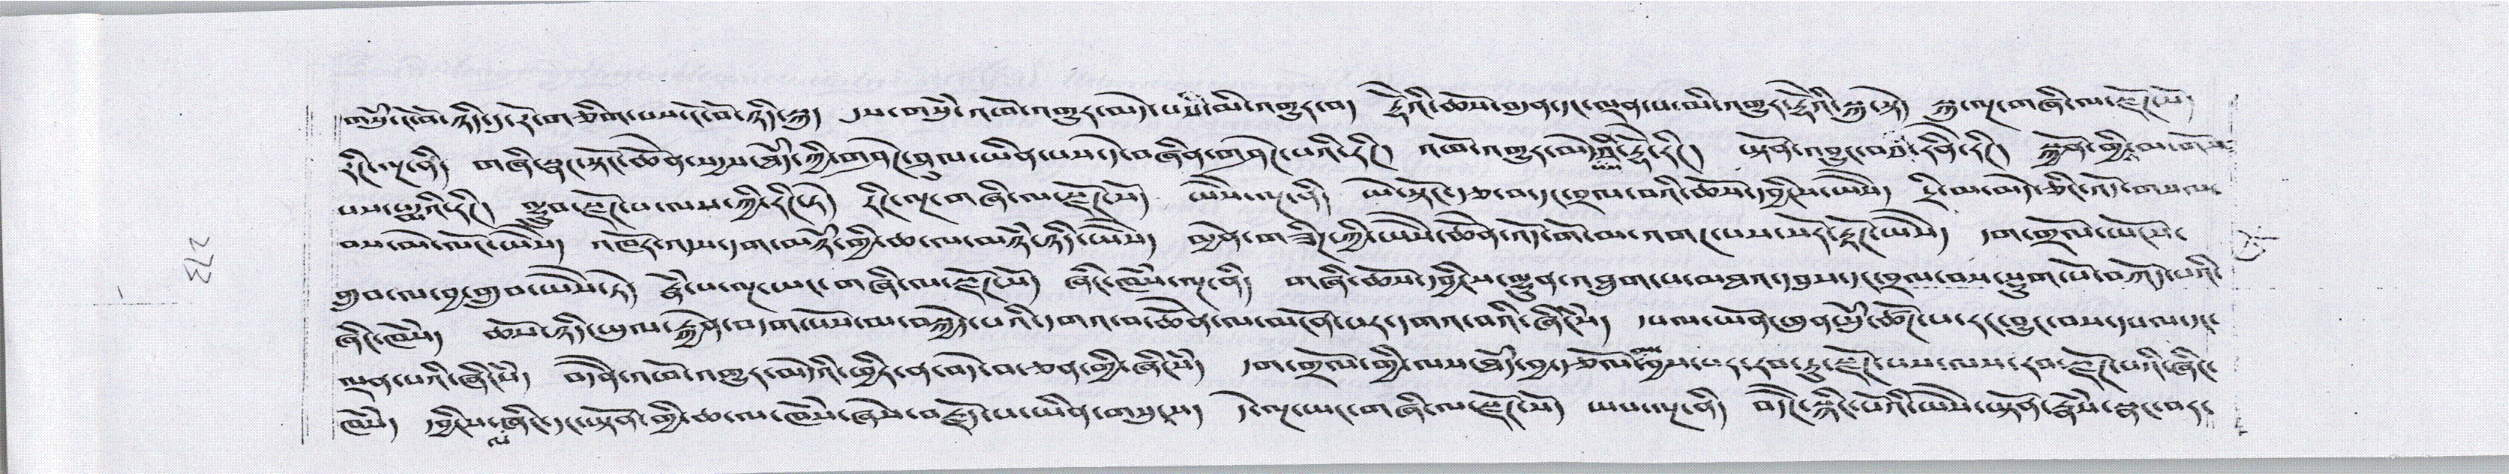གསུམ་ངོ་བོ་ཉིད་དུ་རོ་གཅིག་པས་ངོ་བོ་ཉིད་སྐུ། དུས་གསུམ་འཕོ་འགྱུར་མེད་པའི་མི་འགྱུར་བ། རྡོ་རྗེའི་ཆོས་བདུན་དང་ལྡན་པ་མི་འགྱུར་རྡོ་རྗེའི་སྐུ་སྟེ། སྐུ་ལྔ་གཞི་ལ་རྫོགས་སོ། 
རིགས་ལྔ་ནི། གཞི་སྣང་སྟོང་ཆེན་པོ་སངས་རྒྱས་ཐམས་ཅད་ཀྱི་གཤེགས་ཤུལ་ཡིན་པས་དེ་བཞིན་གཤེགས་པའི་རིགས། འཕོ་འགྱུར་མེད་པའི་རྡོ་རྗེ་རིགས། ཡོན་ཏན་འབྱུང་བའི་རིན་ཆེན་རིགས། སྐྱོན་གྱིས་མ་གོས་
པས་པདྨའི་རིགས། ལྷུན་གྲུབ་རྫོགས་པ་ལས་ཀྱི་རིགས་ཏེ། རིགས་ལྔ་གཞི་ལ་རྫོགས་སོ། ཡེ་ཤེས་ལྔ་ནི། ཡེ་སྟོང་རྩ་བ་དང་བྲལ་བའི་ཆོས་དབྱིངས་ཡེ་ཤེས། དྲི་མ་མེད་ཅིང་འོད་གསལ་
བས་མེ་ལོང་ཡེ་ཤེས། འཁོར་འདས་དག་མཉམ་གྱི་ཆ ལ་མཉམ་ཉིད་ཡེ་ཤེས། མཁྱེན་གཟིགས་ཀྱི་ཡེ་ཤེས་ཆེན་པོ་འོད་གོ་མ་འགགས་པས་སོར་རྟོགས་ཡེ་ཤེས། དག་གྲོལ་ཡོངས་
གྲུབ་ལ་བྱ་གྲུབ་ཡེ་ཤེས་ཏེ། རྣམ་པ་ལྔ་ཡང་གཞི་ལ་རྫོགས་སོ། ཞིང་ཁམས་ལྔ་ནི། གཞི་ཆོས་དབྱིངས་ལྷུན་འཐུག་པ་མཐའ་དབུས་དང་བྲལ་བས་སྡུག་པོ་བཀོད་པའི་
ཞིང་ཁམས། ཆོས་ཉིད་ཡུལ་རྐྱེན་བདག་པོས་མ་བསྐྱེད་པའི་དགའ་བ་ཆེན་པོ་ལ་མངོན་པར་དགའ་བའི་ཞིང་ཁམས། དཔལ་ཡོན་ཕུན་སུམ་ཚོགས་པ་རང་བྱུང་བས་དཔལ་དང་
ལྡན་པའི་ཞིང་ཁམས། བདེ་ཆེན་འཕོ་འགྱུར་མེད་པའི་ཕྱིར་ན་བདེ་བ་ཅན་གྱི་ཞིང་ཁམས། དག་གྲོལ་གྱི་ལས་ཐམས་ཅད་བྱ་རྩོལ་མ་བྱས་པར་རབ་ཏུ་རྫོགས་པས་ལས་རབ་རྫོགས་པའི་ཞིང་
ཁམས། དབྱིངས་ལ་ཞིང་དང་ཡོན་ཏན་གྱི་ཆ་ལ་ཁམས་ཞེས་བརྗོད་པ་ཡིན་གསུངས། དེ་ལྔ་ཡང་གཞི་ལ་རྫོགས་སོ། ཡས་ལྔ་ནི། བདེ་གཤེགས་སྙིང་པོའི་ཡེ་ཤེས་ཡོན་ཏན་རྣམས་སྣང་བར་